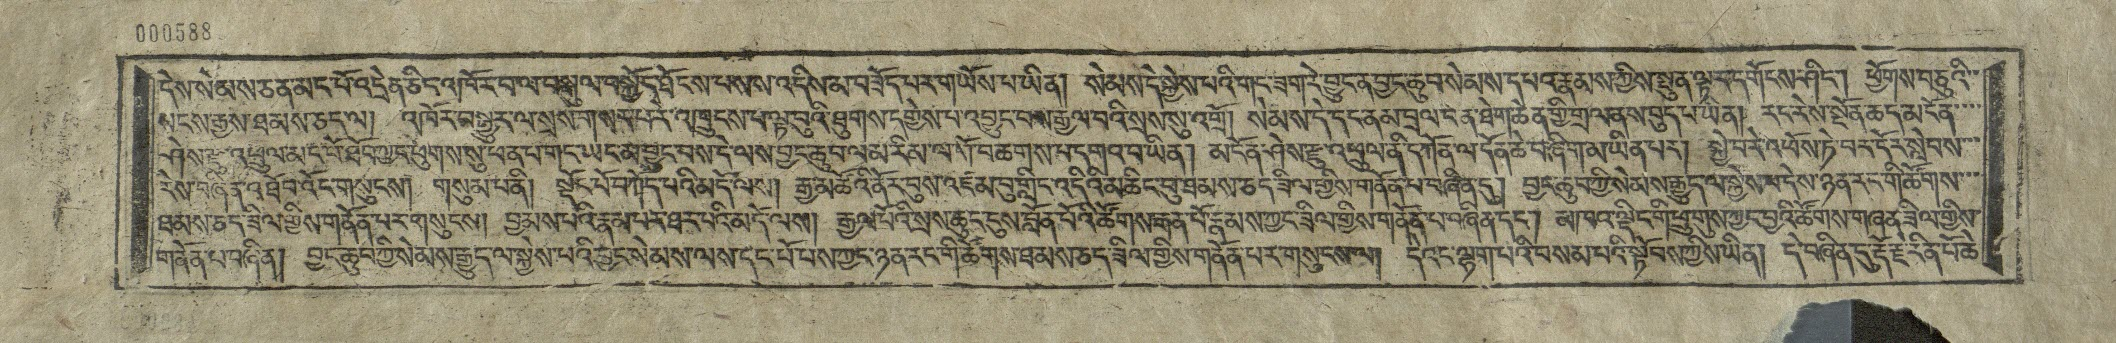དེས་སེམས་ཅན་མང་པོ་འདྲེན་ཅིང་འཁོར་བ་ལ་བསྒུལ་བསྐྱོད་ཐོངས་པས་ས་འདིས་མ་བཟོད་པར་གཡོས་པ་ཡིན། སེམས་དེ་སྐྱེས་པའི་གང་ཟག་རེ་བྱུང་ན་བྱང་ཆུབ་སེམས་དཔའ་རྣམས་ཀྱིས་སྤུན་ལྟར་དགོངས་ཤིང་། ཕྱོགས་བཅུའི་
སངས་རྒྱས་ཐམས་ཅད་ལ། འཁོར་བསྒྱུར་ལ་སྲས་གསར་པ་རེ་འཁྲུངས་པ་ལྟ་བུའི་ཐུགས་དགྱེས་པ་འབྱུང་བས་རྒྱལ་བའི་སྲས་སུ་འགྲོ། སེམས་དེ་དང་ནམ་བྲལ་བ་ན་ཐེག་ཆེན་གྱི་གྲལ་ནས་བུད་པ་ཡིན། རང་རེས་སྔོན་ཆད་མངོན་
ཤེས་རྫུ་འཕྲུལ་མང་པོ་ཐོབ་ཀྱང་ཕུགས་སུ་ཕན་པ་གང་ཡང་མ་བྱུང་བས་དེ་ལས་བྱང་ཆུབ་ལམ་རིམ་ལ་གོ་བ་ཆགས་པ་དགའ་བ་ཡིན། མངོན་ཤེས་རྫུ་འཕྲུལ་ནི་དཀོན་ལ་དོན་ཆེ་བ་ཞིག་མ་ཡིན་པར། སྐྱེ་བ་རེ་འཕོས་ཏེ་བར་དོར་སླེབས་
རེས་བཞིན་འཐོབ་འོང་གསུངས། གསུམ་པ་ནི། སྡོང་པོ་བཀོད་པའི་མདོ་ལས། རྒྱ་མཚོའི་ནོར་བུས་འཛམ་བུ་གླིང་འདིའི་མཆིང་བུ་ཐམས་ཅད་ཟིལ་གྱིས་གནོན་པ་བཞིན་དུ། བྱང་ཆུབ་ཀྱི་སེམས་རྒྱུད་ལ་སྐྱེས་པ་དེས་ཉན་རང་གི་ཚོགས་
ཐམས་ཅད་ཟིལ་གྱིས་གནོན་པར་གསུངས། བྱམས་པའི་རྣམ་པར་ཐར་པའི་མདོ་ལས། རྒྱལ་པོའི་སྲས་ཆུང་ངུས་བློན་པོའི་ཚོགས་རྒན་པོ་རྣམས་ཀྱང་ཟིལ་གྱིས་གནོན་པ་བཞིན་དང་། མཁའ་ལྡིང་གི་ཕྲུ་གུས་ཀྱང་བྱའི་ཚོགས་གཞན་ཟིལ་གྱིས་
གནོན་པ་བཞིན། བྱང་ཆུབ་ཀྱི་སེམས་རྒྱུད་ལ་སྐྱེས་པའི་བྱང་སེམས་ལས་དང་པོ་པས་ཀྱང་ཉན་རང་གི་ཚོགས་ཐམས་ཅད་ཟིལ་གྱིས་གནོན་པར་གསུངས་ལ། དེའང་ལྷག་པའི་བསམ་པའི་སྟོབས་ཀྱིས་ཡིན། དེ་བཞིན་དུ་རྡོ་རྗེ་རིན་པོ་ཆེ་